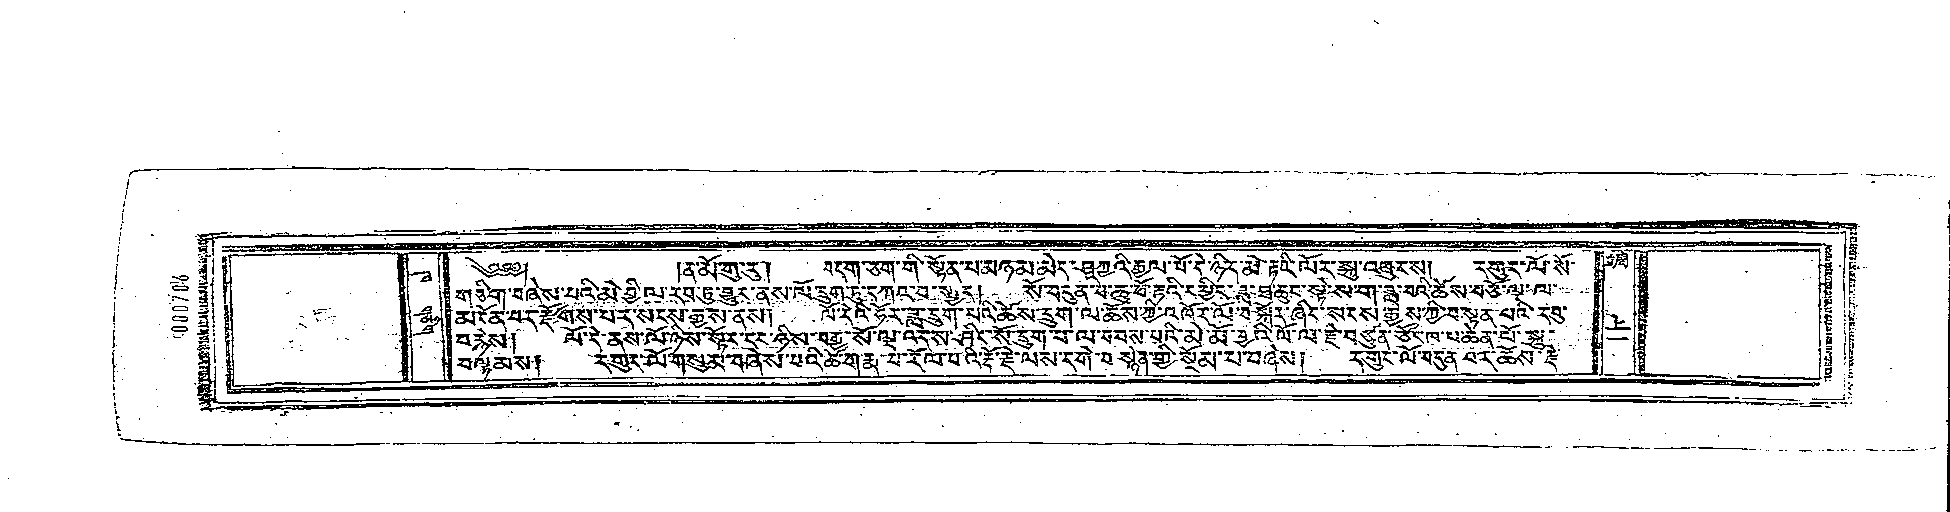༄༅༅། །ན་མོ་གུ་རུ། བདག་ཅག་གི་སྟོན་པ་མཉམ་མེད་ཤཱཀྱའི་རྒྱལ་པོ་དེ་ཉིད་མེ་རྟའི་ལོར་སྐུ་འཁྲུངས། དགུང་ལོ་སོ་
གཅིག་བཞེས་པའི་མེ་བྱིལ་རབ་ཏུ་བྱུང་ནས་ལོ་དྲུག་ཏུ་དཀའ་བ་སྤྱད། སོ་བདུན་པ་ཆུ་ཕོ་རྟའི་དཔྱིད་ཟླ་ཐ་ཆུང་སྟེ་ས་ག་ཟླ་བའི་ཆོས་བཅོ་ལྔ་ལ་
མངོན་པར་རྫོགས་པར་སངས་རྒྱས་ནས། ལོ་དེའི་ཧོར་ཟླ་དྲུག་པའི་ཚེས་དྲུག་ལ་ཆོས་ཀྱི་འཁོར་ལོ་བསྐོར་ཞིང་སངས་རྒྱས་ཀྱི་བསྟན་པའི་དབུ་
བརྙེས། ལོ་དེ་ནས་ལོ་ཉིས་སྟོང་དང་ཉིས་བརྒྱ་སོ་ལྔ་འདས་ཤིང་སོ་དྲུག་པ་ལ་བབས་པའི་མེ་མོ་བྱའི་ལོ་ལ་རྗེ་བཙུན་ཙོང་ཁ་པ་ཆེན་པོ་སྐུ་
བལྟམས། དགུང་ལོ་གསུམ་བཞེས་པའི་ཆོ་གརྨ་པ་རོལ་པའི་རྡོ་རྗེ་ལས་དགེ་བསྙེན་གྱི་སྔོམ་པ་བཞེས། དགུང་ལོ་བདུན་བར་ཆོས་རྗེ་